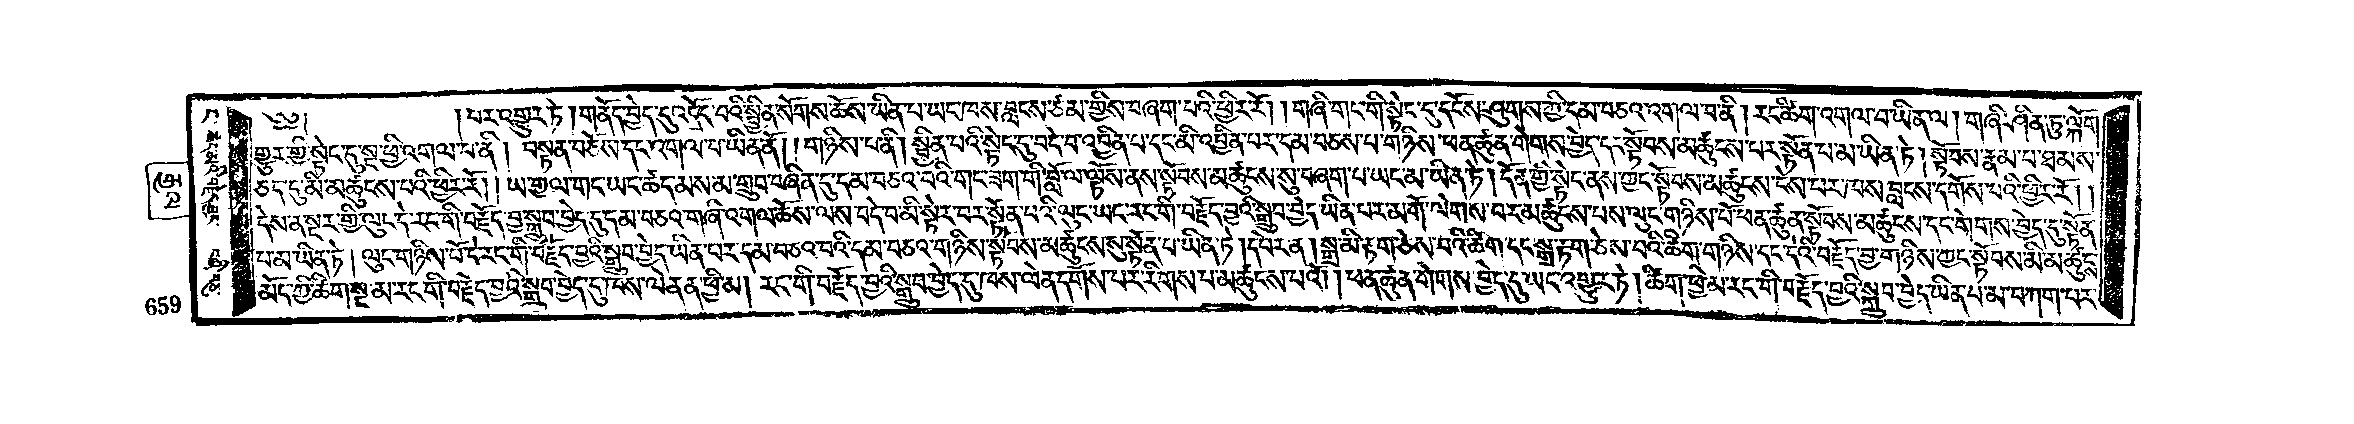༄༅། །པར་འགྱུར་ཏེ། གནོད་བྱེད་དུ་འདོད་པའི་སྦྱིན་སོགས་ཆོས་ཡིན་པ་ཡང་ཁས་བླངས་ཙམ་གྱིས་བཞག་པའི་ཕྱིར་རོ། །གཞི་གང་གི་སྟེང་དུ་དངོས་ཤུགས་ཀྱི་དམ་བཅའ་འགལ་བ་ནི། རང་ཚིག་འགལ་བ་ཡིན་ལ། གཞི་ཤིན་ཏུ་ལྐོག་
གྱུར་གྱི་སྟེང་དུ་སྔ་ཕྱི་འགལ་བ་ནི། བསྟན་བཅོས་དང་འགལ་བ་ཡིན་ནོ། །གཉིས་པ་ནི། སྦྱིན་པའི་སྟེང་དུ་བདེ་བ་འབྱིན་པ་དང་མི་འབྱིན་པར་དམ་བཅས་པ་གཉིས་ཕན་ཚུན་གེགས་བྱེད་དང་སྟོབས་མཚུངས་པར་སྟོན་པ་མ་ཡིན་ཏེ། སྟོབས་རྣམ་པ་ཐམས་
ཅད་དུ་མི་མཚུངས་པའི་ཕྱིར་རོ། །ཡ་གྱལ་གང་ཡང་ཚད་མས་མ་གྲུབ་བཞིན་དུ་དམ་བཅའ་བའི་གང་ཟག་གི་བློ་ལ་ལྟོས་ནས་སྟོབས་མཚུངས་སུ་བཞག་པ་ཡང་མ་ཡིན་ཏེ། དོན་གྱི་སྟེང་ནས་ཀྱང་སྟོབས་མཚུངས་ངེས་པར་ཁས་བླངས་དགོས་པའི་ཕྱིར་རོ། །
དེས་ན་སྔར་གྱི་ལུང་དེ་རང་གི་བརྗོད་བྱ་སྒྲུབ་བྱེད་དུ་དམ་བཅའ་བཞི་འགལ་ཆོས་ལས་བདེ་བ་མི་སྟེར་པར་སྟོན་པའི་ལུང་ཡང་རང་གི་བརྗོད་བྱའི་སྒྲུབ་བྱེད་ཡིན་པར་མགོ་ལེགས་པར་མཚུངས་པས་ལུང་གཉིས་པོ་ཕན་ཚུན་སྟོབས་མཚུངས་དང་གེགས་བྱེད་དུ་སྟོན་
པ་མ་ཡིན་ཏེ། ལུང་གཉིས་པོ་དེ་རང་གི་བརྗོད་བྱའི་སྒྲུབ་བྱེད་ཡིན་པར་དམ་བཅའ་བའི་དམ་བཅའ་གཉིས་སྟོབས་མཚུངས་སུ་སྟོན་པ་ཡིན་ཏེ། དཔེར་ན། སྒྲ་མི་རྟག་ཅེས་པའི་ཚིག་དང་སྒྲ་རྟག་ཅེས་པའི་ཚིག་གཉིས་དང་དེའི་བརྗོད་བྱ་གཉིས་ཀྱང་སྟོབས་མི་མཚུངས་
མོད་ཀྱི་ཚིག་སྔ་མ་རང་གི་བརྗོད་བྱའི་སྒྲུབ་བྱེད་དུ་ཁས་ལེན་ན་ཕྱི་མ། རང་གི་བརྗོད་བྱའི་སྒྲུབ་བྱེད་དུ་ཁས་ལེན་དགོས་པར་རིགས་པ་མཚུངས་པའོ། །ཕན་ཚུན་གེགས་བྱེད་དུ་ཡང་འགྱུར་ཏེ། ཚིག་ཕྱི་མ་རང་གི་བརྗོད་བྱའི་སྒྲུབ་བྱེད་ཡིན་པ་མ་བཀག་པར་